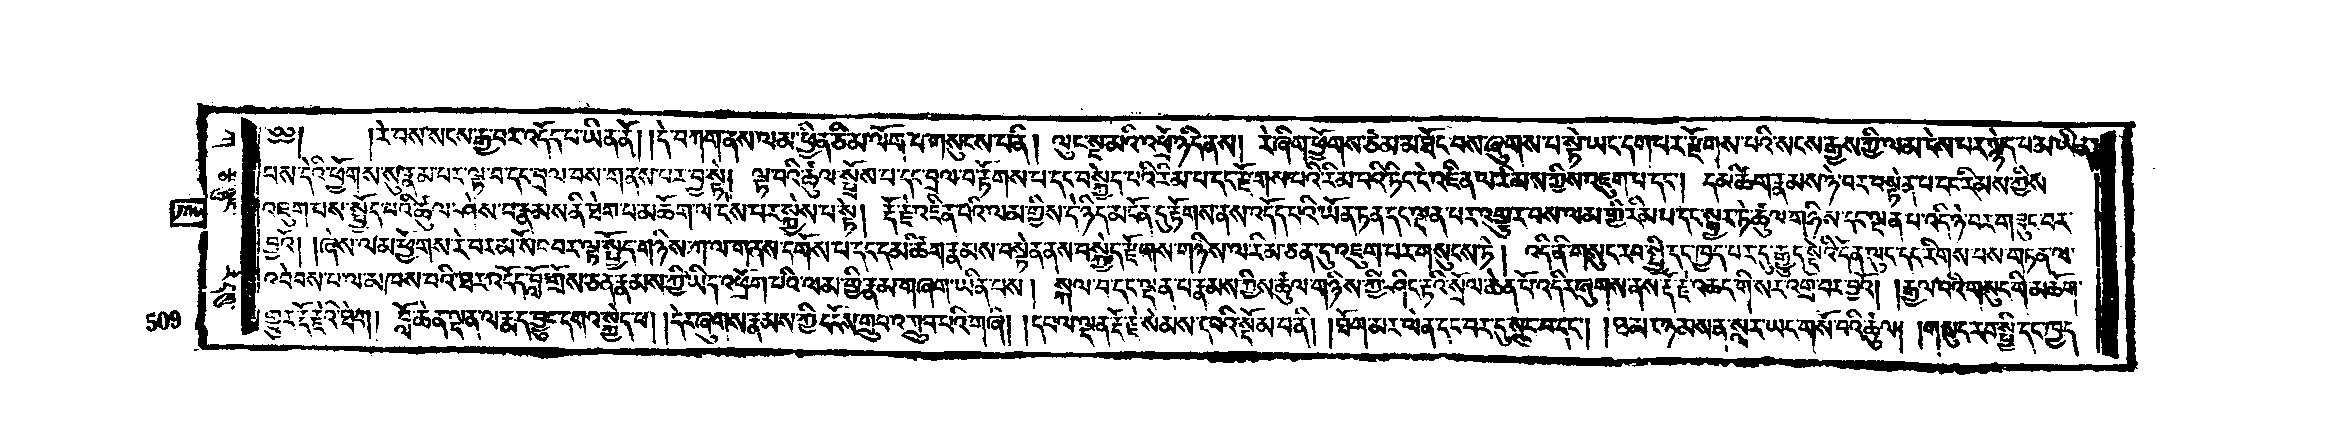༄༅། །རེ་བས་སངས་རྒྱ་བར་འདོད་པ་ཡིན་ནོ། །དེ་བཀག་ནས་ལམ་ཕྱིན་ཅི་མ་ལོག་པ་གསུངས་པ་ནི། ལུང་སྔ་མའི་འཕྲོ་ཉིད་ནས། རེ་ཞིག་ཕྱོགས་ཙམ་མཐོང་བས་ཞུགས་པ་སྟེ་ཡང་དག་པར་རྫོགས་པའི་སངས་རྒྱས་ཀྱི་ལམ་ངེས་པར་སྙེད་པ་མ་ཡིན་
པས་དེའི་ཕྱོགས་སུ་རྣམ་པར་ལྟ་བ་དང་བྲལ་བས་གནས་པར་བྱ་སྟེ། ལྟ་བའི་ཚུལ་སྤྲོས་པ་དང་བྲལ་བ་རྟོགས་པ་དང་བསྐྱེད་པའི་རིམ་པ་དང་རྫོགས་པའི་རིམ་པའི་ཏིང་ངེ་འཛིན་ལ་རིམས་ཀྱིས་འཇུག་པ་དང་། དམ་ཚིག་རྣམས་ཉེ་བར་བསྟེན་པ་དང་རིམས་ཀྱིས་
འཇུག་པས་སྤྱོད་པའི་ཚུལ་ཤེས་པ་རྣམས་ནི་ཐེག་པ་མཆོག་ལ་ངེས་པར་སྐྱེས་པ་སྟེ། རྡོ་རྗེ་འཛིན་པའི་ལམ་གྱིས་དེ་ཉིད་མངོན་དུ་རྟོགས་ནས་འདོད་པའི་ཡོན་ཏན་དང་ལྡན་པར་འགྱུར་བས་ལམ་གྱི་རིམ་པ་དང་སྦྱར་ཏེ་ཚུལ་གཉིས་དང་ལྡན་པ་འདི་ཉེ་བར་གཟུང་བར་
བྱའོ། །ཞེས་ལམ་ཕྱོགས་རེ་བར་མ་སོང་བར་ལྟ་སྤྱོད་གཉིས་ཀ་ལ་གནས་དགོས་པ་དང་དམ་ཚིག་རྣམས་བསྟེན་ནས་བསྐྱེད་རྫོགས་གཉིས་ལ་རིམ་ཅན་དུ་འཇུག་པར་གསུངས་ཏེ། འདི་ནི་གསུང་རབ་སྤྱི་དང་ཁྱད་པར་དུ་རྒྱུད་སྡེའི་དོན་ལུང་དང་རིགས་པས་གཏན་ལ་
འབེབས་པ་ལ་མཁས་པའི་ཐར་འདོད་བློ་གྲོས་ཅན་རྣམས་ཀྱི་ཡིད་འཕྲོག་པའི་ལམ་གྱི་རྣམ་གཞག་ཡིན་པས། སྐལ་བ་དང་ལྡན་པ་རྣམས་ཀྱིས་ཚུལ་གཉིས་ཀྱི་ཤིང་རྟའི་སྲོལ་ཆེན་པོ་འདིར་ཞུགས་ནས་རྡོ་རྗེ་འཆང་གི་སར་འགྲོ་བར་བྱའོ། །རྒྱལ་བའི་གསུང་གི་མཆོག་
གྱུར་རྡོ་རྗེའི་ཐེག །བློ་ཆེན་ལྡན་ལ་རྨད་བྱུང་དགའ་སྐྱེད་པ། །དེར་ཞུགས་རྣམས་ཀྱི་དངོས་གྲུབ་འགྲུབ་པའི་གཞི། །དཔལ་ལྡན་རྡོ་རྗེ་སེམས་དཔའི་སྡོམ་པ་ནི། །ཐོག་མར་ལེན་དང་བར་དུ་སྲུང་བ་དང་། །ཐ་མར་ཉམས་ན་སླར་ཡང་གསོ་བའི་ཚུལ། །གསུང་རབ་སྤྱི་དང་ཁྱད་